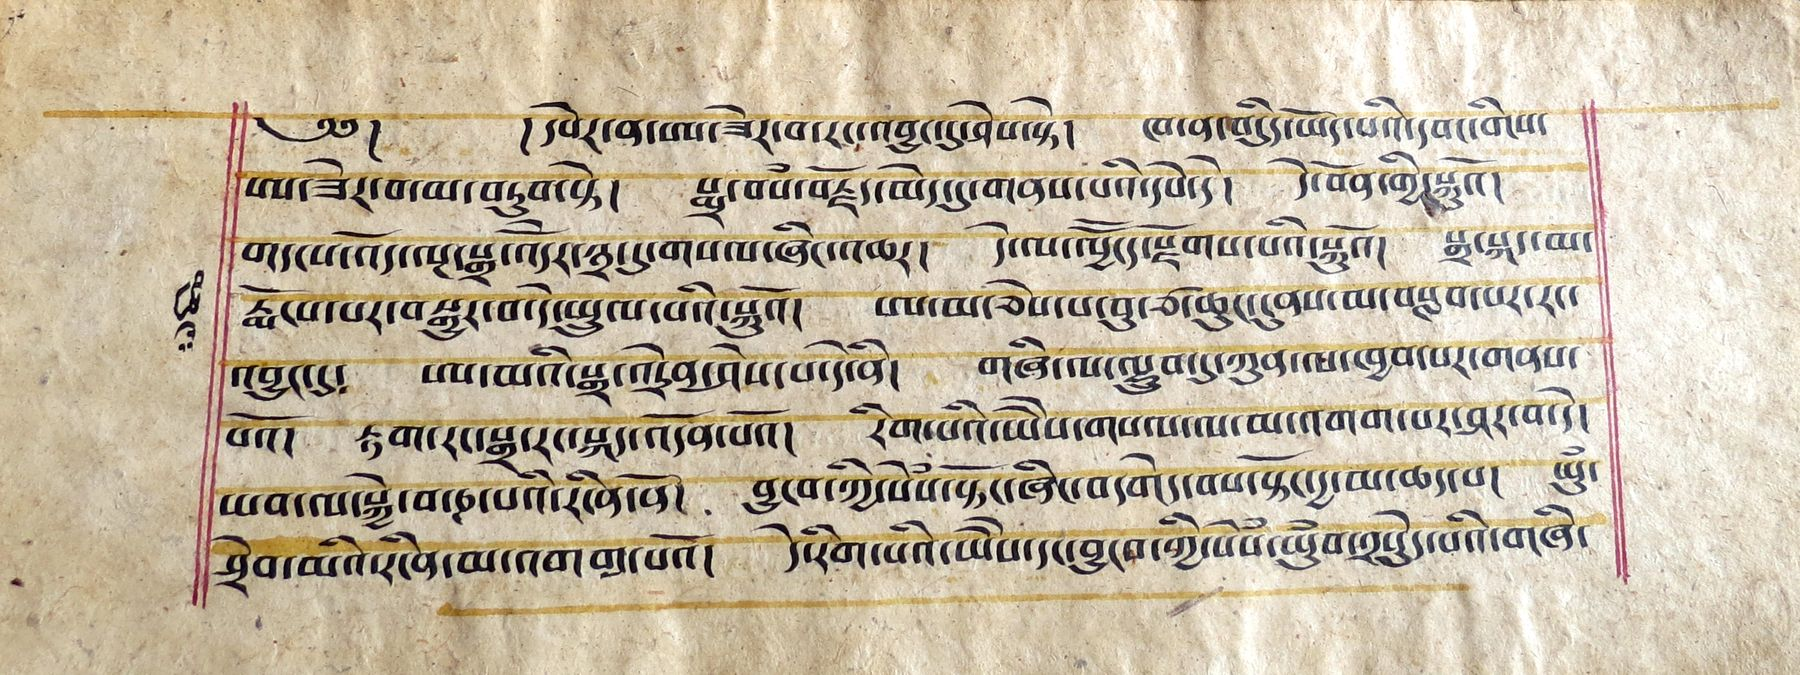དཔེར་ན་ཨ་ཟེར་བ་རང་འབྱུང་དུ་ཤེས་ཏེ། ཁ་ནས་བདུད་རྩི་ཡོད་པའི་དབང་གིས་
ཨ་ཟེར་དུ་མ་བཏུབ་པ་སྟེ། .སྨྲ་བསམ་བརྗོད་མེད་དུ་གནས་པའི་དཔེ་ནི། .དེ་བོན་གྱི་སྐུའི་
གདངས་ལས་འོད་ལྔ་སྒྲ་འོད་ཟེར་གསུམ་དུ་གསལ་ཞིང་འཆར། དེ་ལོངས་སྤྱོད་རྫོགས་པའི་སྐུའོ། ། .སྒྲ་སྐད་མ་
རྨོངས་པར་བསྒྱུར་བས་སྤྲུལ་པའི་སྐུའོ། ། .ཨ་མ་ཞེས་པས་བུ་ཚ་ཆུང་དུས་ནས་མ་བསླབས་པར་རང་
འབྱུང་དུ། ཨ་མའི་སྒྲ་འདྲེན་ཤེས་པ་ནི། .གཞི་ལས་ལྷུན་གྲུབ་ཏུ་ཀུན་ལ་ཁྱབ་པར་གནས་
པའོ། ། .རྟགས་རང་སྒྲ་རང་སྐད་འདོན་པའོ། ། .རིག་པའི་ཡེ་ཤེས་གསལ་ལ་མ་འགགས་པར་ཤར་བ་དེ། 
ཡབ་ལ་སྐྱེ་བ་མེད་པའི་རང་བཞིན་ནོ། ། .བྱང་ཆུབ་ཀྱི་སེམས་སྟོང་ཞིང་བདག་མེད་པས། .སྟོང་ལ་རྒྱ་མ་ཆད་པ་སྟེ། ཡུམ་
ཤེས་རབ་མའི་རང་བཞིན་མ་འགགས་པའོ། ། .དེ་རིག་པའི་ཡེ་ཤེས་དང་བྱང་ཆུབ་ཀྱི་སེམས་ཡབ་ཡུམ་གཉིས་སུ་མེད་པའི་གཞི་